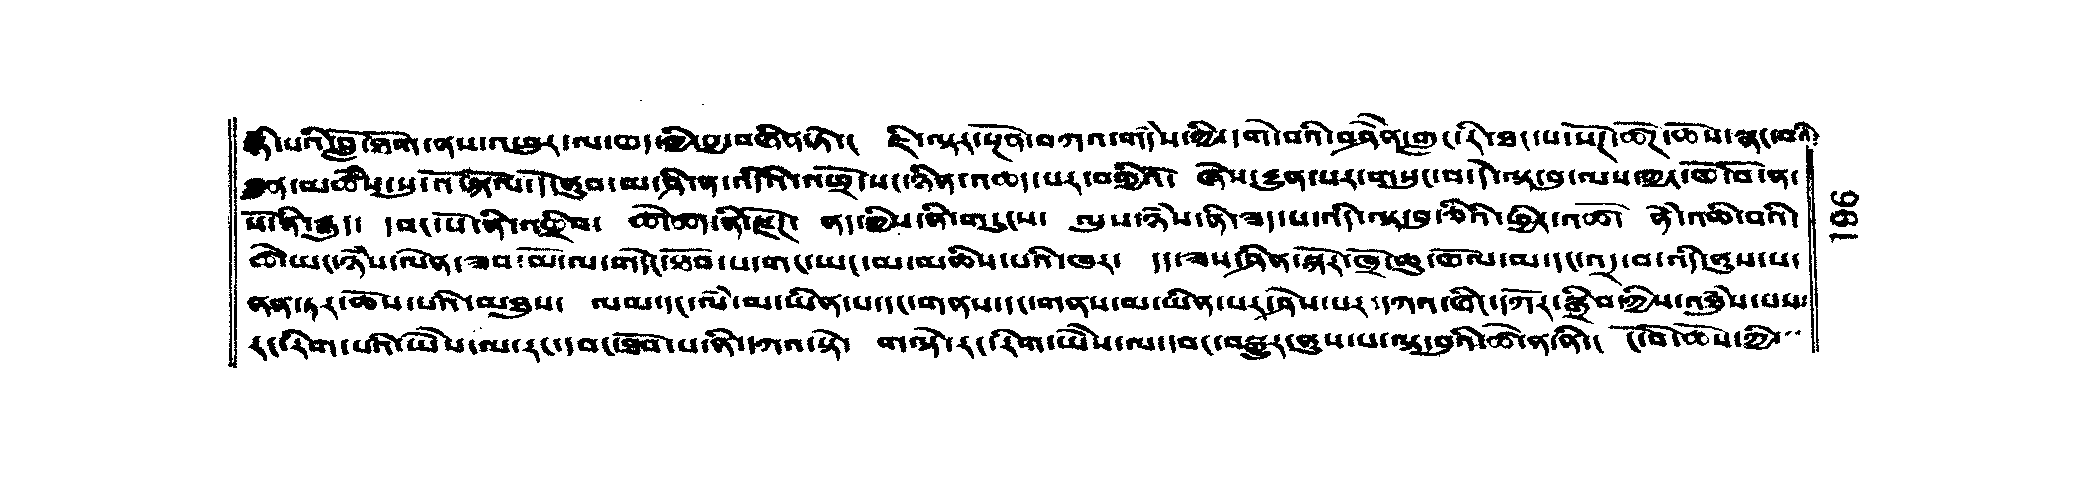སྙམ་པའི་བློ་ཐོག་ནས་འཕུར་ལ་ཁད་ཀྱི་བྱ་བཞིན་ཏེ། ཇི་ལྟར་སྔོན་བཀའ་གདམས་ཀྱི་དགེ་བའི་བཤེས་གཉེན་གླང་རི་ཐང་པ་སོགས་ཚོགས་ཆོས་གནང་བའི་
ཐུན་མཚམས་སུ་འོ་སྐོལ་དོ་ནུབ་མ་ཤི་ན་འདིའི་འཕྲོ་སང་ཉིན་འཆད་པར་བགྱིའོ། ཞེས་རྒྱུན་པར་གསུང་བ་དེ་ལྟ་བུ་ལས་ཀྱང་ཁོ་བོ་ན་
སོ་ནི་རྒུད། དབང་པོ་ནི་འགྲིབ། ཚེ་ཆད་ནི་རྫོགས། ནད་ཀྱིས་ནི་གདུངས། ལུས་ཉམས་ནི་ཟད་པ་འདི་ལྟ་བུ་ཅིའི་ཕྱིར་འཚོ། ནམ་འཆི་བའི་
ཚེ་ཡང་ཉམས་ལེན་ཟབ་མོ་ལ་གདེང་ཐོབ་པ་གང་ཡང་མ་མཆིས་པའི་ཁར། དད་ཟས་ཤིན་དཀོར་ཁྲོ་ཆུ་ཁོལ་མ་དང་འདྲ་བ་འདི་ནུས་པ་
ནན་ཏར་ཆེ་བའི་མཐུས། ལམ་དང་ལམ་མ་ཡིན་པ་དང་གནས་དང་གནས་མ་ཡིན་པ་ཤེས་པར་དཀའ་ཞིང་དཀོར་སྒྲིབ་ཀྱིས་འཐུམས་པས་
རང་རིག་པའི་ཡེ་ཤེས་ལ་རང་དབང་ཐོབ་པ་ནི་དཀའ་སྟེ། གལ་ཏེ་རང་རིག་ཡེ་ཤེས་ལ་དབང་བསྒྱུར་ནུས་པ་ལྟ་བུའི་ཚེ་ན་ནི། ངོ་བོ་ཆོས་ཀྱི་